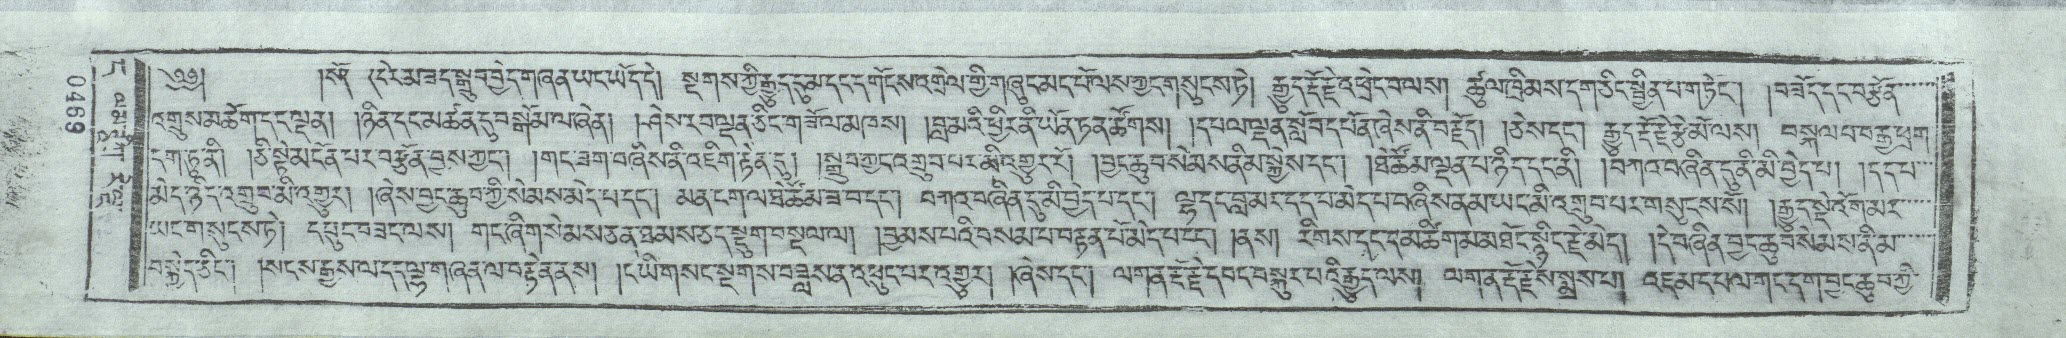༄༅། །སོ༑ ༑དེར་མ་ཟད་སྒྲུབ་བྱེད་གཞན་ཡང་ཡོད་དེ། སྔགས་ཀྱི་རྒྱུད་དུ་མ་དང་དགོངས་འགྲེལ་གྱི་གཞུང་མང་པོ་ལས་ཀྱང་གསུངས་ཏེ། རྒྱུད་རྡོ་རྗེ་འཕྲེང་བ་ལས། ཚུལ་ཁྲིམས་དག་ཅིང་སྦྱིན་པ་གཏོང་། །བཟོད་དང་བརྩོན་
འགྲུས་མཆོག་དང་ལྡན། །ཉིན་དང་མཚན་དུ་བསྒོམ་ལ་ཞེན། །ཤེས་རབ་ལྡན་ཅིང་གཟོ་ལ་མཁས། །བླ་མའི་ཕྱིར་ནི་ཡོན་ཏན་ཚོགས། །དཔལ་ལྡན་སློབ་དཔོན་ཞེས་ནི་བརྗོད། །ཅེས་དང་། རྒྱུད་རྡོ་རྗེ་རྩེ་མོ་ལས། བསྐལ་བ་བརྒྱ་ཕྲག་
དག་ཏུ་ནི། །ཅི་སྟེ་མངོན་པར་བརྩོན་བྱས་ཀྱང་། །གང་ཟག་བཞིས་ནི་འཇིག་རྟེན་དུ། །སྒྲུབ་ཀྱང་འགྲུབ་པར་མི་འགྱུར་རོ། །བྱང་ཆུབ་སེམས་ནི་མ་སྐྱེས་དང་། །ཐེ་ཚོམ་ལྡན་པ་ཉིད་དང་ནི། །བཀའ་བཞིན་དུ་ནི་མི་བྱེད་པ། །དད་པ་
མེད་ཉིད་འགྲུབ་མི་འགྱུར། །ཞེས་བྱང་ཆུབ་ཀྱི་སེམས་མེད་པ་དང་། མན་ངག་ལ་ཐེ་ཚོམ་ཟ་བ་དང་། བཀའ་བཞིན་དུ་མི་བྱེད་པ་དང་། ལྷ་དང་བླ་མར་དད་པ་མེད་པ་བཞིས་ནམ་ཡང་མི་འགྲུབ་པར་གསུངས་སོ། །རྒྱུད་སྡེའོག་མར་
ཡང་གསུངས་ཏེ། དཔུང་བཟང་ལས། གང་ཞིག་སེམས་ཅན་ཐམས་ཅད་སྡུག་བསྔལ་ལ། །བྱམས་པའི་བསམ་པ་བརྟན་པོ་མེད་པ་དང་། །ནས། རིགས་དང་དམ་ཚིག་མ་མཐོང་སྙིང་རྗེ་མེད། །དེ་བཞིན་བྱང་ཆུབ་སེམས་ནི་མ་
བསྐྱེད་ཅིང་། །སངས་རྒྱས་ལ་དད་ལྷ་གཞན་ལ་བརྟེན་ནས། །ང་ཡི་གསང་སྔགས་བཟླས་ན་འཕུང་པར་འགྱུར། །ཞེས་དང་། ལག་ན་རྡོ་རྗེ་དབང་བསྐུར་པའི་རྒྱུད་ལས། ལག་ན་རྡོ་རྗེས་སྨྲས་པ། འཇམ་དཔལ་གང་དག་བྱང་ཆུབ་ཀྱི་